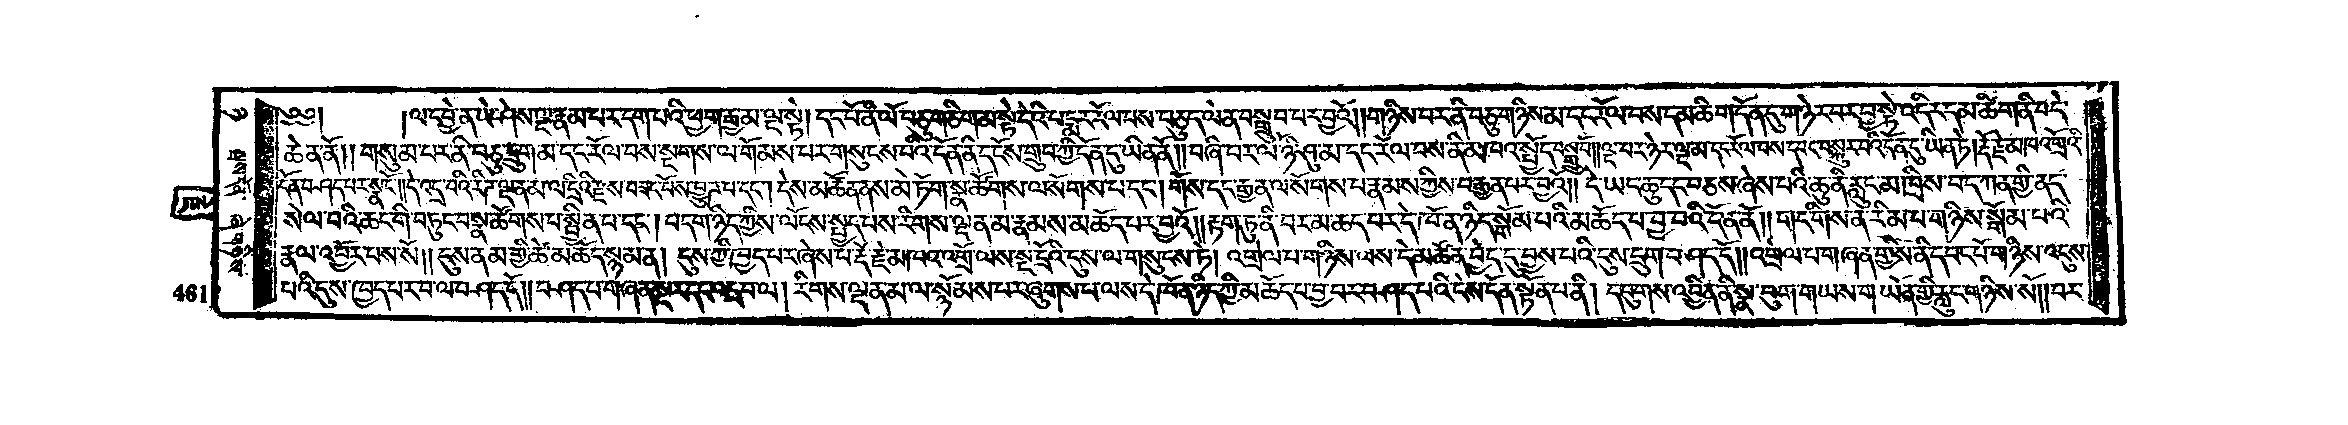༄༅། །ལ་དབྱེ་ན་ཡེ་ཤེས་ལྔ་རྣམ་པར་དག་པའི་ཕྱག་རྒྱ་མ་ལྔ་སྟེ། དང་པོ་ནི་ལོ་བཅུ་གཅིག་མ་སྟེ་དེའི་པདམར་རོལ་པས་བཅུད་ལེན་བསྒྲུབ་པར་བྱའོ། །གཉིས་པར་ནི་བཅུ་གཉིས་མ་དང་རོལ་བས་དམ་ཚིག་དོན་དུ་གཉེར་བར་བྱ་སྟེ་འདིར་དམ་ཚིག་ནི་བདེ་
ཆེན་ནོ། །གསུམ་པར་ནི་བཅུ་དྲུག་མ་དང་རོལ་བས་སྔགས་ལ་གོམས་པར་གསུངས་པའི་དོན་ནི་དངོས་གྲུབ་ཀྱི་དོན་དུ་ཡིན་ནོ། །བཞི་པར་ལོ་ཉི་ཤུ་མ་དང་རོལ་བས་ནི་མཁའ་སྤྱོད་བསྒྲུབ་བོ། །ལྔ་པར་ཉེར་ལྔ་མ་དང་རོལ་བས་དབང་བསྐུར་བའི་དོན་དུ་ཡིན་ཏེ། རྡོ་རྗེ་མཁའ་འགྲོའི་
དོན་བཤད་པར་སྣང་ངོ། །དེ་འདྲ་བའི་རིགས་ལྡན་མ་ལ་དྲིའི་རྫས་བཟང་པོས་བྱུགས་པ་དང་། དེས་མཚོན་ནས་མེ་ཏོག་སྣ་ཚོགས་ལ་སོགས་པ་དང་། གོས་དང་རྒྱན་ལ་སོགས་པ་རྣམས་ཀྱིས་བརྒྱན་པར་བྱའོ། །དེ་ཡང་ཆུ་དང་བཅས་ཞེས་པའི་ཆུ་ནི་རླུང་མཁྲིས་བདེ་ཀུན་གྱི་ནད་
སེལ་བའི་ཆང་གི་བཏུང་བ་སྣ་ཚོགས་པ་སྦྱིན་པ་དང་། བདག་ཉིད་ཀྱིས་ལོངས་སྤྱད་པས་རིགས་ལྡན་མ་རྣམས་མཆོད་པར་བྱའོ། །རྟག་ཏུ་ནི་བར་མ་ཆད་པར་དེ་ཁོ་ན་ཉིད་སྒོམ་པའི་མཆོད་པ་བྱ་བའི་དོན་ནོ། །གང་གིས་ན་རིམ་པ་གཉིས་སྒོམ་པའི་
རྣལ་འབྱོར་པས་སོ། །དུས་ནམ་གྱི་ཚེ་མཆོད་སྙམ་ན། དུས་ཀྱི་ཁྱད་པར་ཞེས་པ་རྡོ་རྗེ་མཁའ་འགྲོ་ལས་སྔ་དྲོའི་དུས་ལ་གསུངས་ཏེ། འགྲེལ་པ་གཉིས་ལས་དེ་མཚོན་བྱེད་དུ་བྱས་པའི་དུས་དྲུག་བཤད་དོ། །འགྲེལ་པ་གཞན་གྱིས་ནི་དབང་པོ་གཉིས་འདུས་
པའི་དུས་ཁྱད་པར་བ་ལ་བཤད་དོ། །བཤད་པ་གཞན་སྔར་དང་འདྲ་བ་ལ། རིགས་ལྡན་མ་ལ་སྙོམས་པར་ཞུགས་པ་ལས་དེ་ཁོ་ན་ཉིད་ཀྱི་མཆོད་པ་བྱ་བར་བཤད་པའི་ངེས་དོན་སྟོན་པ་ནི། དབུགས་འབྱིན་ནི་སྣ་བུག་གཡས་གཡོན་གྱི་རླུང་གཉིས་སོ། །བར་